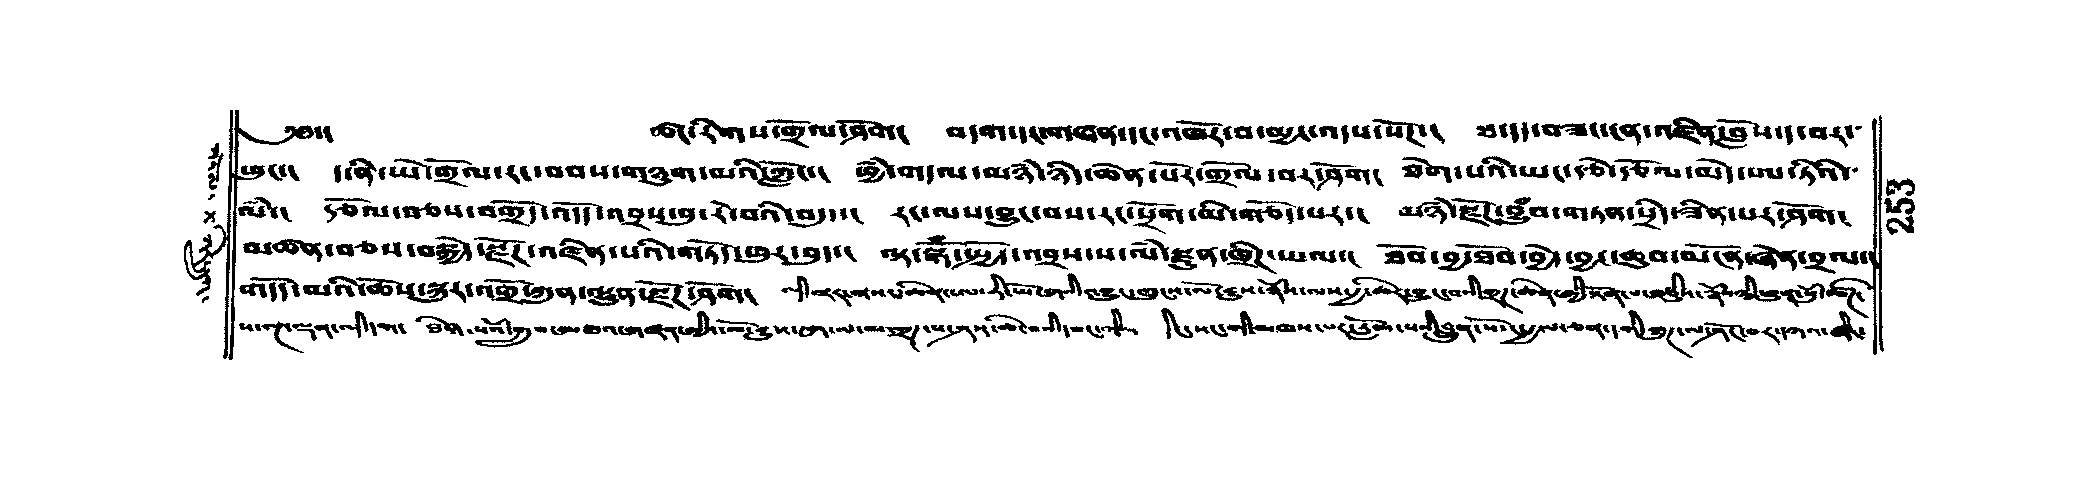ཚང་རིག་གྲོལ་ཤོག །བདག་དང་གཞན་དང་འཁོར་བ་མྱང་འདས་སོགས། །ཐ་དད་བཟང་ངན་འཛིན་བློས་ད་བར་
ཕུང་། །ད་ནི་ཡེ་གྲོལ་རང་བབས་གཉུག་མའི་ཀློང་། །ཕྱམ་གདལ་མཉམ་ཉིད་ཆེན་པོར་གྲོལ་བར་ཤོག །ཐེག་པའི་ཡང་རྩེ་རྩོལ་མེད་ཨ་ཏིའི་
ལམ། །རྩོལ་བཅས་བགྲོད་འདོད་འབྲས་བུ་རེ་བའི་བདུད། །རང་ལས་བྱུང་བས་རང་སྲོག་མི་གཅོད་པར། །མཉམ་རྫོགས་བྱང་ཆུབ་གཏན་སྲིད་ཟིན་པར་ཤོག །
མཚན་བཅས་བསྐྱེད་རྫོགས་འཛིན་པའི་གཏོད་པུར་བུད། །ལྟ་སྒོམ་སྤྱོད་འབྲས་ས་ལམ་རྫུན་ཁྲིད་ཡལ། ཐོབ་བྱ་ཐོབ་བྱེད་བྱང་ཆུབ་མངོན་ཞེན་བྲལ་
གདོད་མའི་ཆོས་སྐུར་འགྲོ་ཀུན་ལྷུན་རྫོགས་ཤོག འདི་ལྟར་གསང་ཆེན་ཨ་ཏི་ཡོ་གའི་འབྱུང་ཁུངས་ལོ་རྒྱུས་རྣམས་ལས་རྒྱ་ཆེར་བྱུང་བའི་གྲགས་ཆེན་གྱི་སྟོན་པ་བཅུ་གཉིས་རྣམས་ཀྱི་ཕུན་སུམ་ཚོགས་
པ་ལྔ་ལྡན་འདི་དག ཐེག་པའམ་གྲུབ་མཐའ་གཞན་གྱིས་ལོ་རྒྱུས་དག་ལ་མ་གྲགས་པ་ཤས་ཆེ་བའི་དབང་གིས། དིང་སང་གི་མཁས་པར་རློམ་པའི་བླུན་པོ་ང་རྒྱལ་ཅན་དག་གི་ཐུགས་ལ་ཤོང་བར་དཀའ་ཞིང་།